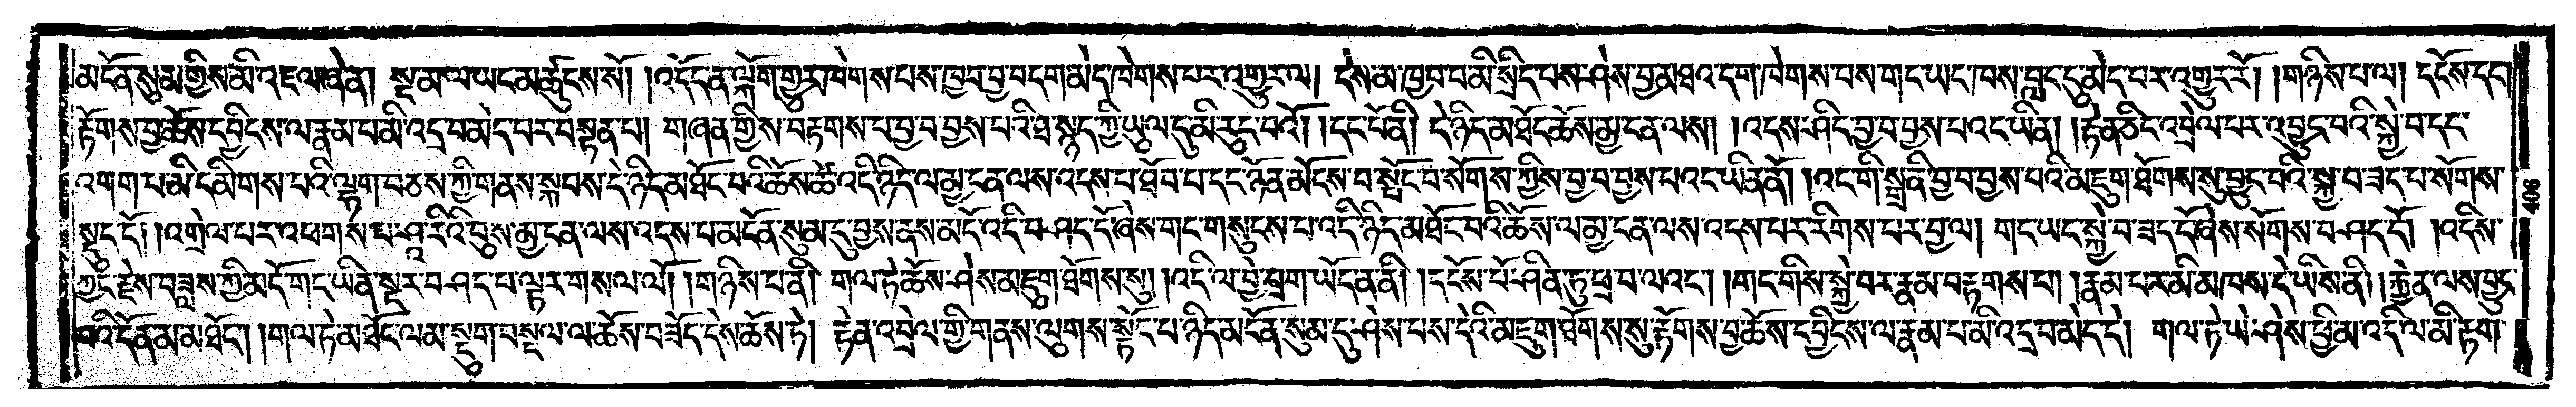མངོན་སུམ་གྱིས་མི་འཇལ་ཞེ་ན། སྔ་མ་ལ་ཡང་མཚུངས་སོ། །འདོད་ན་ལྐོག་གྱུར་ཁེགས་པས་ཁྱབ་བྱ་བདག་མེད་ཁེགས་པར་འགྱུར་ལ། དེས་མ་ཁྱབ་པ་མི་སྲིད་པས་ཤེས་བྱ་མཐའ་དག་ཁེགས་པས་གང་ཡང་ཁས་བླང་དུ་མེད་པར་འགྱུར་རོ། །གཉིས་པ་ལ། དངོས་དང་།
རྟོགས་བྱ་ཆོས་དབྱིངས་ལ་རྣམ་པ་མི་འདྲ་བ་མེད་པར་བསྟན་པ། གཞན་གྱིས་བརྟགས་པ་བྱ་བ་བྱས་པའི་ཐ་སྙད་ཀྱི་ཡུལ་དུ་མི་རུང་བའོ། །དང་པོ་ནི། དེ་ཉིད་མཐོང་ཆོས་མྱ་ངན་ལས། །འདས་ཤིང་བྱ་བ་བྱས་པའང་ཡིན། །རྟེན་ཅིང་འབྲེལ་པར་འབྱུང་བའི་སྐྱེ་བ་དང་
འགག་པ་མི་དམིགས་པའི་ལྷག་བཅས་ཀྱི་གནས་སྐབས་དེ་ཉིད་མཐོང་བའི་ཆོས་ཚེ་འདི་ཉིད་ལ་མྱ་ངན་ལས་འདས་པ་ཐོབ་པ་དང་ཉོན་མོངས་པ་སྤོང་བ་སོགས་ཀྱིས་བྱ་བ་བྱས་པའང་ཡིན་ནོ། །འང་གི་སྒྲ་ནི་བྱ་བ་བྱས་པའི་མཇུག་ཐོགས་སུ་བྱུང་བའི་སྐྱ་བ་ཟད་པ་སོགས་
སྡུད་དོ། །འགྲེལ་པར་འཕགས་པ་ཤཱ་རིའི་བུས་མྱ་ངན་ལས་འདས་པ་མངོན་སུམ་དུ་བྱས་ནས་མདོ་འདི་བཤད་དོ་ཞེས་གང་གསུངས་པ་འདི་ཉིད་མཐོང་བའི་ཆོས་ལ་མྱ་ངན་ལས་འདས་པར་རིགས་པར་བྱ་ལ། གང་ཡང་སྐྱེ་བ་ཟད་དོ་ཞེས་སོགས་བཤད་དོ། །འདིས་
ཀྱང་རྗེས་བཟླས་ཀྱི་མདོ་གང་ཡིན་སྔར་བཤད་པ་ལྟར་གསལ་ལོ། །གཉིས་པ་ནི། གལ་ཏེ་ཆོས་ཤེས་མཇུག་ཐོགས་སུ། །འདི་ལ་བྱེ་བྲག་ཡོད་ན་ནི། །དངོས་པོ་ཤིན་ཏུ་ཕྲ་བ་ལའང་། །གང་གིས་སྐྱེ་བར་རྣམ་བརྟགས་པ། །རྣམ་པར་མི་མཁས་དེ་ཡིས་ནི། །རྐྱེན་ལས་བྱུང་
བའི་དོན་མ་མཐོང་། །གལ་ཏེ་མཐོང་ལམ་སྡུག་བསྔལ་ལ་ཆོས་བཟོད་དེས་ཆོས་ཏེ། རྟེན་འབྲེལ་གྱི་གནས་ལུགས་སྟོང་པ་ཉིད་མངོན་སུམ་དུ་ཤེས་པས་དེའི་མཇུག་ཐོགས་སུ་རྟོགས་བྱ་ཆོས་དབྱིངས་ལ་རྣམ་པ་མི་འདྲ་བ་མེད་དེ། གལ་ཏེ་ཡེ་ཤེས་ཕྱི་མ་འདི་ལ་མི་རྟག་